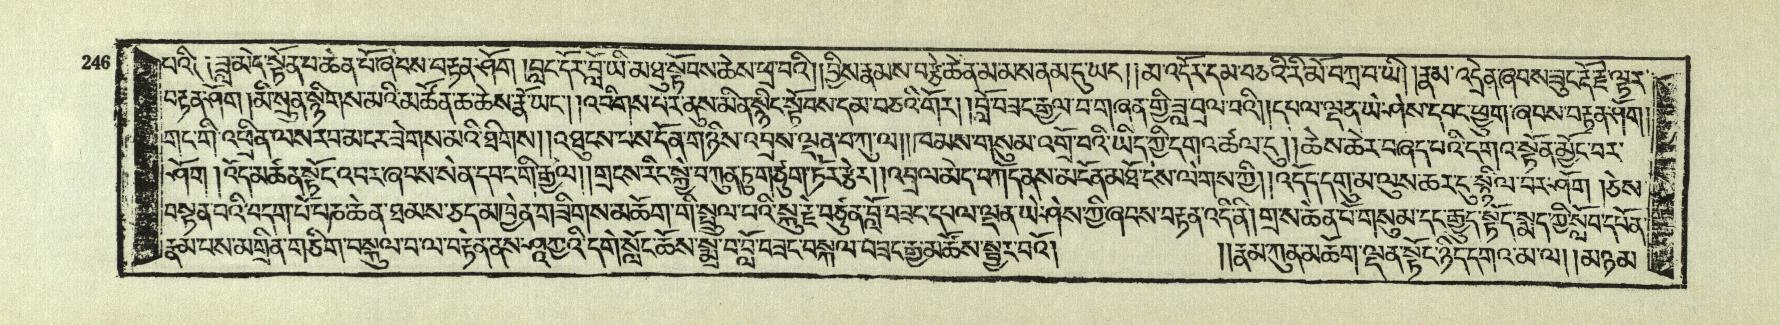པའི༑ ༑ཟླ་མེད་སྟོན་པ་ཆེན་པོ་ཞབས་བརྟན་ཤོག །བླང་དོར་བློ་ཡི་མཐུ་སྟོབས་ཆེས་ཕྲ་བའི། །བྱིས་རྣམས་བརྩེ་ཆེན་མ་མས་ནམ་དུ་ཡང་། །མ་འདོར་དམ་བཅའི་རི་མོ་བཀྲ་བ་ཡི། །རྣམ་འདྲེན་ཞབས་ཟུང་རྡོ་རྗེ་ལྟར་
བརྟན་ཤོག །མི་སྲུན་སྙིགས་མའི་མཚོན་ཆ་ཆེས་རྣོ་ཡང་། །འབིགས་པར་ནུས་མིན་སྙིང་སྟོབས་དམ་བཅའི་གོར། །བློ་བཟང་རྒྱལ་བ་གཞན་གྱི་ཟླ་བྲལ་བའི། །དཔལ་ལྡན་ཡེ་ཤེས་དབང་ཕྱུག་ཞབས་བརྟན་ཤོག།
གང་གི་འཕྲིན་ལས་རབ་མངར་ཟེགས་མའི་ཐིགས། །འཐུངས་པས་དོན་གཉིས་འབྲས་ལྡན་བ་ཀུ་ལ། །ཁམས་གསུམ་འགྲོ་བའི་ཡིད་ཀྱི་དགའ་ཚལ་དུ། །ཆེས་ཆེར་བཞད་པའི་དགའ་སྟོན་མྱོང་བར་
ཤོག །འོད་མཚན་སྟོང་འབར་ཞབས་སེན་དབང་གི་རྒྱལ། །གྲངས་རིང་སྐྱེ་བ་ཀུན་ཏུ་གཙུག་ཏོར་རྩེར། །འབྲལ་མེད་བཀོད་ནས་མངོན་མཐོ་ངེས་ལེགས་ཀྱི། །འདོད་དགུ་མ་ལུས་ཆར་དུ་སྙིལ་བར་ཤོག །ཅེས་
བསྟན་བའི་བདག་པོ་པཎ་ཆེན་ཐམས་ཅད་མཁྱེན་གཟིགས་མཆོག་གི་སྤྲུལ་པའི་སྐུ་རྗེ་བཙུན་བློ་བཟང་དཔལ་ལྡན་ཡེ་ཤེས་ཀྱི་ཞབས་བརྟན་འདི་ནི་།གྲ་ས་ཆེན་པོ་གསུམ་དང་རྒྱུད་སྟོད་སྨད་ཀྱི་སློབ་དཔོན་
རྣམ་པས་མགྲིན་གཅིག་བསྐུལ་བ་ལ་བརྟེན་ནས་ཤཱཀྱའི་དགེ་སློང་ཆོས་སྨྲ་བ་བློ་བཟང་བསྐལ་བཟང་རྒྱ་མཚོས་སྦྱར་བའོ། །།རྣམ་ཀུན་མཆོག་ལྡན་སྟོང་ཉིད་དགའ་མ་ལ། །མཉམ་